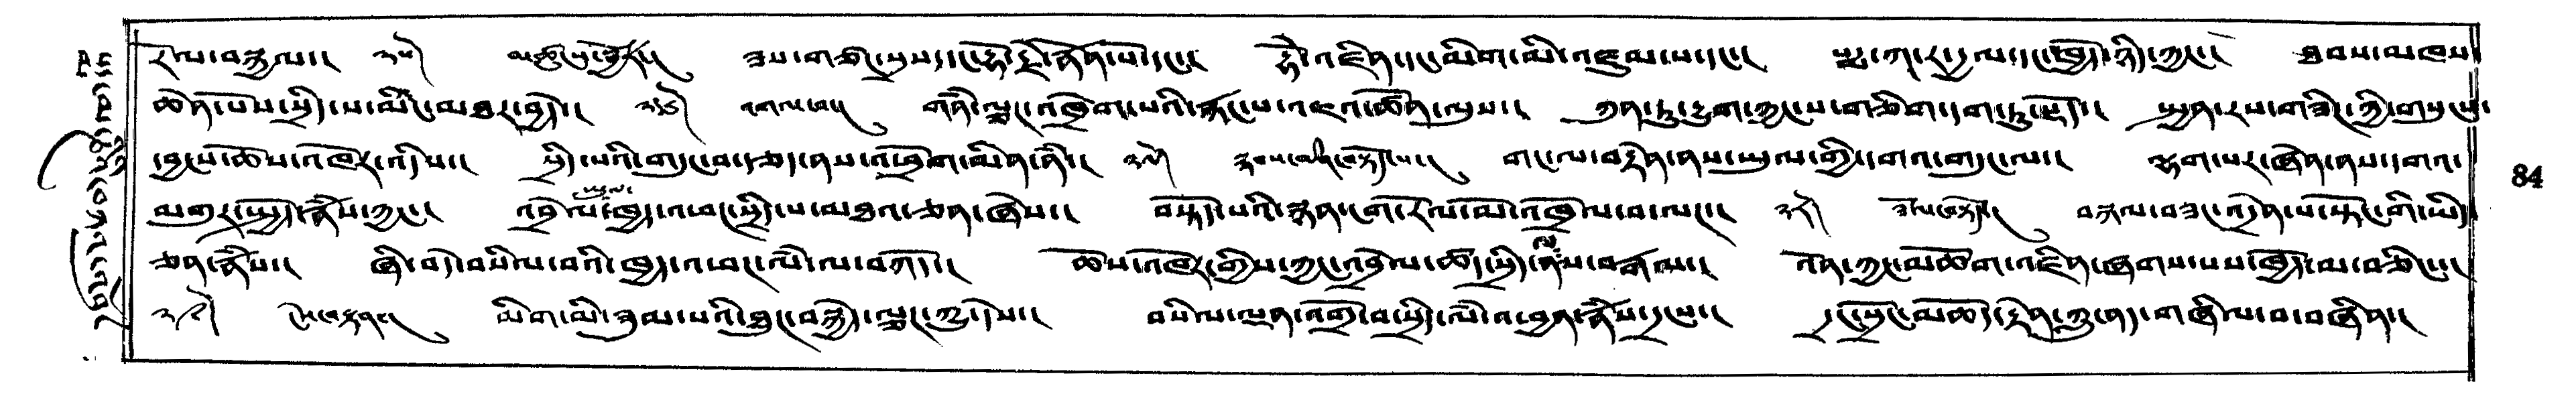རོལ་བསྐྱལ། ། ༥༽ མཚུངས་སྦྱོར། ཟས་གཙང་སྲས་དང་རྡོ་རྗེ་རྣོན་པོ་དང་། །རྡོ་རྗེ་འཛིན་དང་མིག་མི་འཛུམ་པ་དང་། །པདྨ་ཀ་ར་རྒྱལ་དང་ཁྱོད་ཉིད་ཀྱང་། །ཐབས་མཁས་
ཆེན་པོས་སྲིད་པ་མིང་མཐར་བྱེད། །༢༦༽ འགལ་བ། གནམ་ལྕགས་མཁྲེགས་པའི་རྐང་པ་འཇའ་ཚོན་ལུས། །ཀུན་ཏུ་རྒྱུག་ཀྱང་ས་གཅིག་དག་ཏུ་སྡོད། །སྤྱན་རས་གཟིགས་ཀྱི་གསུངས་
དབྱངས་ཆོས་འཁོར་འདིས། །སྲིད་པའི་གདུང་བ་རྩད་ནས་འཕྲོག་མིན་ནམ། ། ༢༧༽ སྐབས་མིན་བསྟོད་པ། གང་ལ་བརྟེན་ནས་ཡུལ་གྱི་དགའ་གདུང་ལ། །ལྷག་པར་ཞེན་ནས་དགའ་
མགུར་སྤྱོད་རྣམས་ཀྱང་། །འབྲེལ་ཡུལ་ཁྱད་འཕགས་སྲིད་པ་མཐའ་ཅན་ཞེས། །བསྟོད་པའི་སྙན་ངག་རོལ་མོ་འཁྲོལ་བ་ལགས། ༢༨༽ ཟོལ་བསྟོད། བསྐལ་བཟང་འདྲེན་པ་སྟོང་གི་ཡིད་
ཅན་རྣམས། །ཞི་བདེ་བསིལ་བའི་ཁྱད་འཕགས་ལམ་ལ་བཀོད། །ཆོས་འཁོར་གྱིས་ཀྱང་འབྲེལ་ཚད་སྲིད་ལས་བརྒལ། །འོན་ཀྱང་མཆོག་འཛིན་ཞགས་པས་ཁྱོད་མ་བཅིངས། ། 
༢༩༽ ངེས་བསྟན། མིག་མི་ཟུམ་པའི་ཐུགས་བསྐྱེད་ལྕགས་ཀྱུ་དེས། །བསིལ་ལྡན་འགྲོ་བ་སྲིད་ལམ་འཕྱན་རྣམས་དྲངས། །དྲང་སྲོང་མཆོད་རྟེན་ཀླུ་ནད་གཞིལ་བ་བཞིན། །